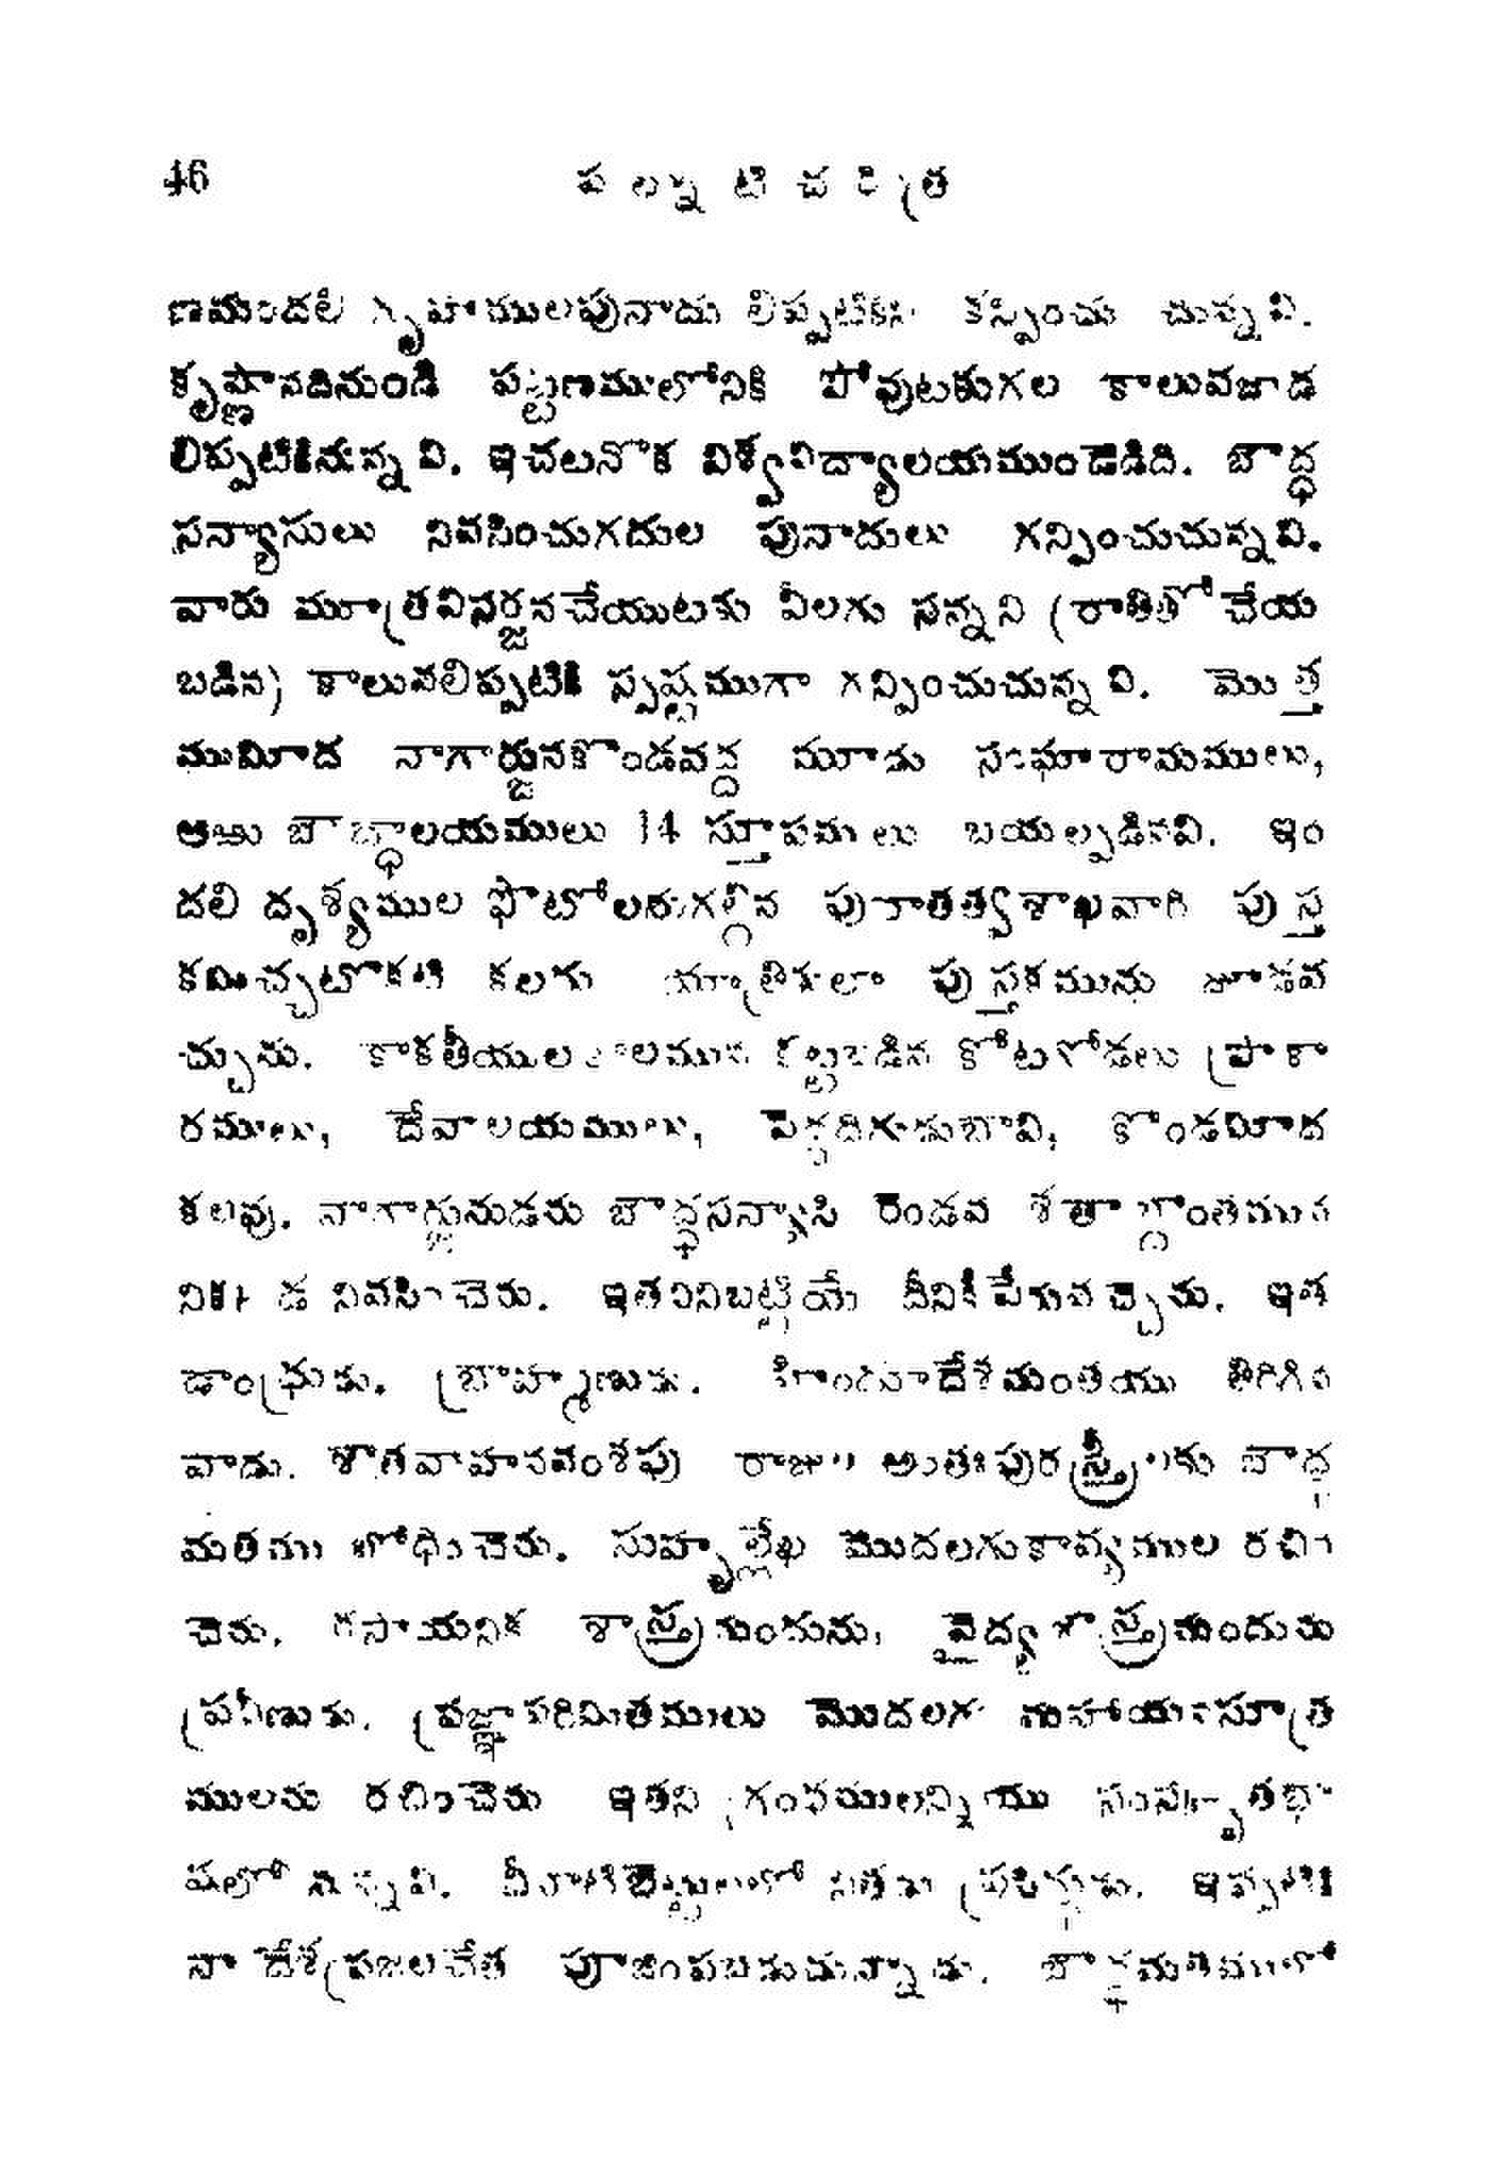ణమందలి గృహములపునాడు లిప్పటికిని కన్పించు చున్నవి.
కృష్ణానదినుండి పట్టణములోనికి పోవుటకుగల కాలువజాడ
లిప్పటికినున్నవి. ఇచటనొక విశ్వవిద్యాలయముండెడిది. బౌద్ధ
సన్యాసులు నివసించుగదుల పునాదులు గన్పించుచున్నవి.
వారు మూత్ర విసర్జన చేయుటకు వీలగు సన్నని (రాతితో చేయ
బడిన) కాలువలిప్పటికి స్పష్టముగా గన్పించుచున్నవి. 
మొత్తముమీద నాగార్జునకొండవద్ద మూడు సంఘారామములు,
ఆఱు బౌద్ధాలయములు 14 స్తూపములు బయల్పడినవి. 
ఇందలి దృశ్యముల ఫొటోలనుగల్గిన పురాతత్వశాఖ వారి పుస్తక
మిచ్చటొకటి కలదు. యాత్రికులా పుస్తకమును జూడవచ్చును. 
కాకతీయుల కాలమును కట్టబడిన కోటకోడలు ప్రాకారములు, 
దేవాలయములు, పెద్దదిగుడుబావి, కొండమీద కలవు. 
నాగార్జునుడను బౌద్ధసన్యాసి రెండవ శతాబ్దాంతమున
నిక్కడ నివసించెరు. ఇతనిని బట్టియే దీనికీపేరు వచ్చెను. 
ఇతడాంధ్రుడు, బ్రాహ్మణుడు. హిందూదేశమంతయు తిరిగిన
వాడు. శాతవాహనవంశపు రాజుల అంతఃపురస్త్రీలకు బౌద్ధ
మతము బోధించెను. సుహృల్లేఖ మొదలగు కావ్యముల రచించెను. 
రసాయనిక శాస్త్రమందును, వైద్య శాస్త్రమందును
ప్రవీణుడు, ప్రజ్ఞాపరిమితములు మొదలగు మహాయానసూత్రములను 
రచించెను ఇతని గ్రంధములన్నియు సంస్కృతభాషలో 
ఉన్నవి. చీనాటిబెట్టులలో నితడు ప్రసిద్ధుడు. ఇప్పటికి
నా దేశ ప్రజల చేత పూజింపబడుచున్నాడు. బౌద్ధమతములో